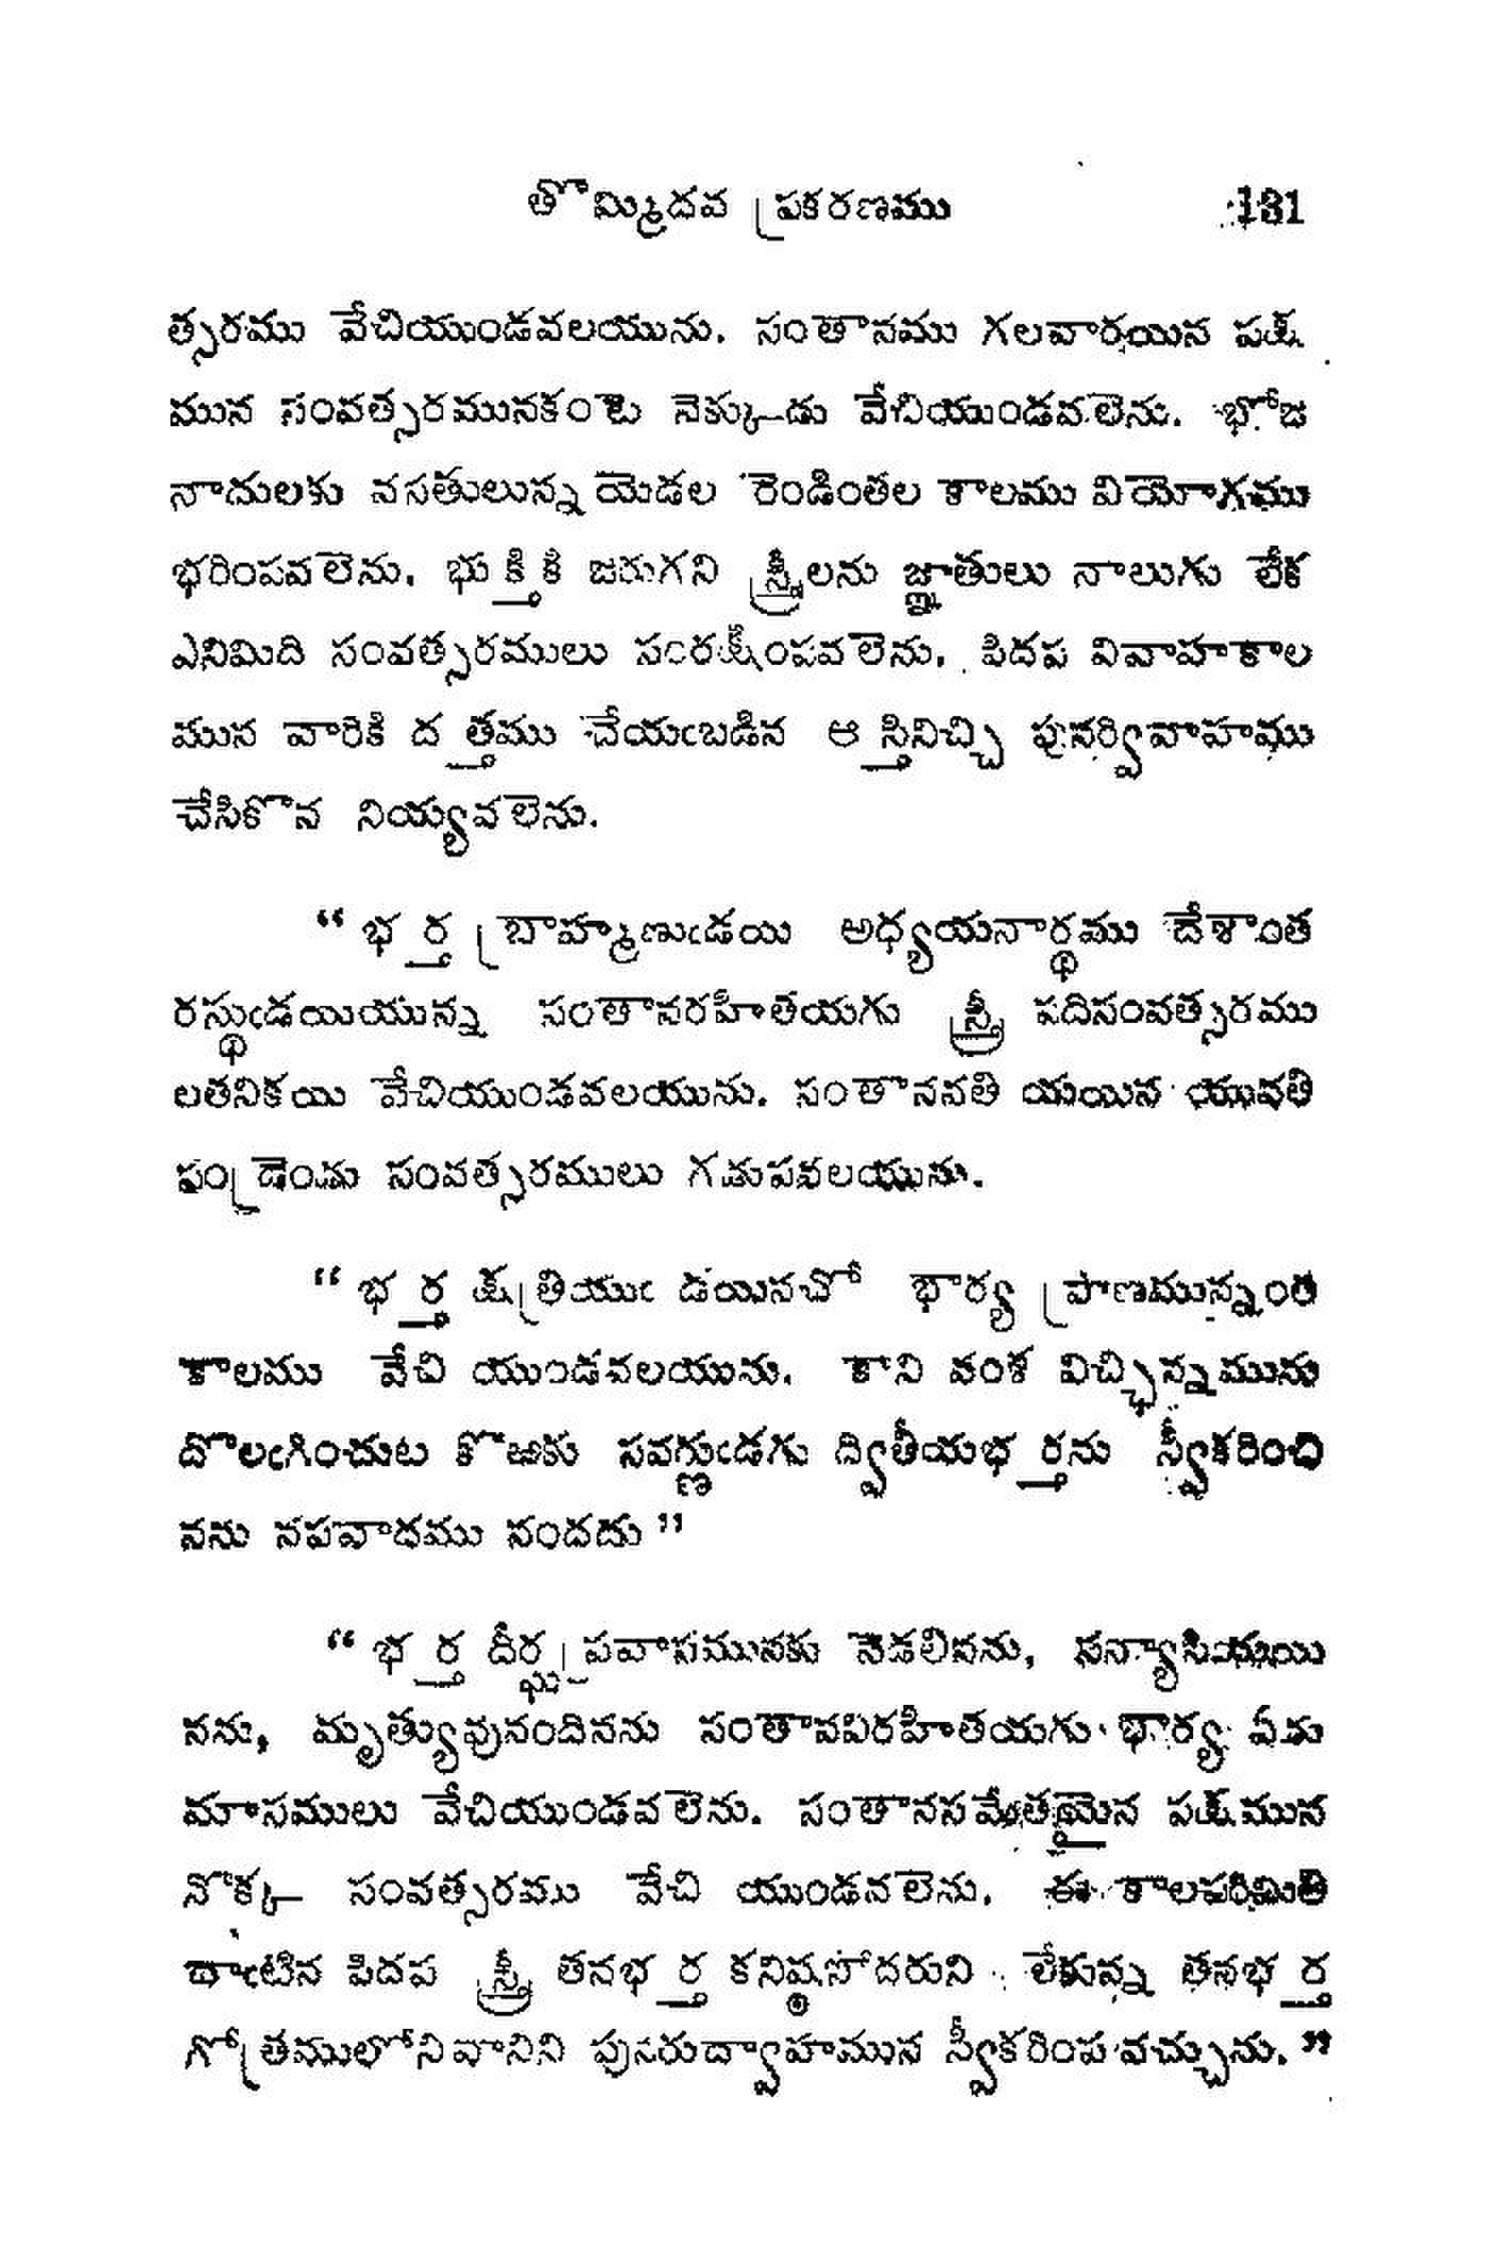త్సరము వేచియుండవలయును. సంతానము గలవారయిన పక్షమున సంవత్సరమునకంటె నెక్కుడు వేచియుండవలెను. “భోజనాదులకు వసతులున్న యెడల రెండింతల కాలము వియోగము భరింపవలెను. భుక్తికి జరుగని స్త్రీలను జ్ఞాతులు నాలుగు లేక ఎనిమిది సంవత్సరములు సంరక్షింపవలెను. పిదప వివాహకాలమున వారికి దత్తము చేయఁబడిన ఆస్తినిచ్చి పునర్వివాహము చేసికొన నియ్యవలెను.

"భర్త బ్రాహ్మణుఁడయి అధ్యయనార్థము దేశాంతరస్థుఁడయియున్న సంతానరహితయగు స్త్రీ, పదిసంవత్సరము లతనికయి వేచియుండవలయును. సంతానవతి యయిన యువతి పండ్రెండు సంవత్సరములు గడుపవలయును.

"భర్త క్షత్రియుఁ డయినచో భార్య ప్రాణమున్నంత కాలము వేచి యుండవలయును. కాని వంశ విచ్చిన్నమును దొలఁగించుట కొఱకు సవర్ణుఁడగు ద్వితీయభర్తను స్వీకరించినను నపవాదము నందదు”

"భర్త దీర్ఘప్రవాసమునకు వెడలినను, సన్యాసియయినను, మృత్యువునందినను సంతానవిరహితయగు భార్య ఏడు మాసములు వేచియుండవలెను. సంతానసమేతమైన పక్షమున నొక్క సంవత్సరము వేచి యుండవలెను. ఈ కాలపరిమితి దాఁటిన పిదప స్త్రీ తనభర్త కనిష్ఠసోదరుని లేకున్న తనభర్త గోత్రములోని వానిని పునరుద్వాహమున స్వీకరింపవచ్చును. "